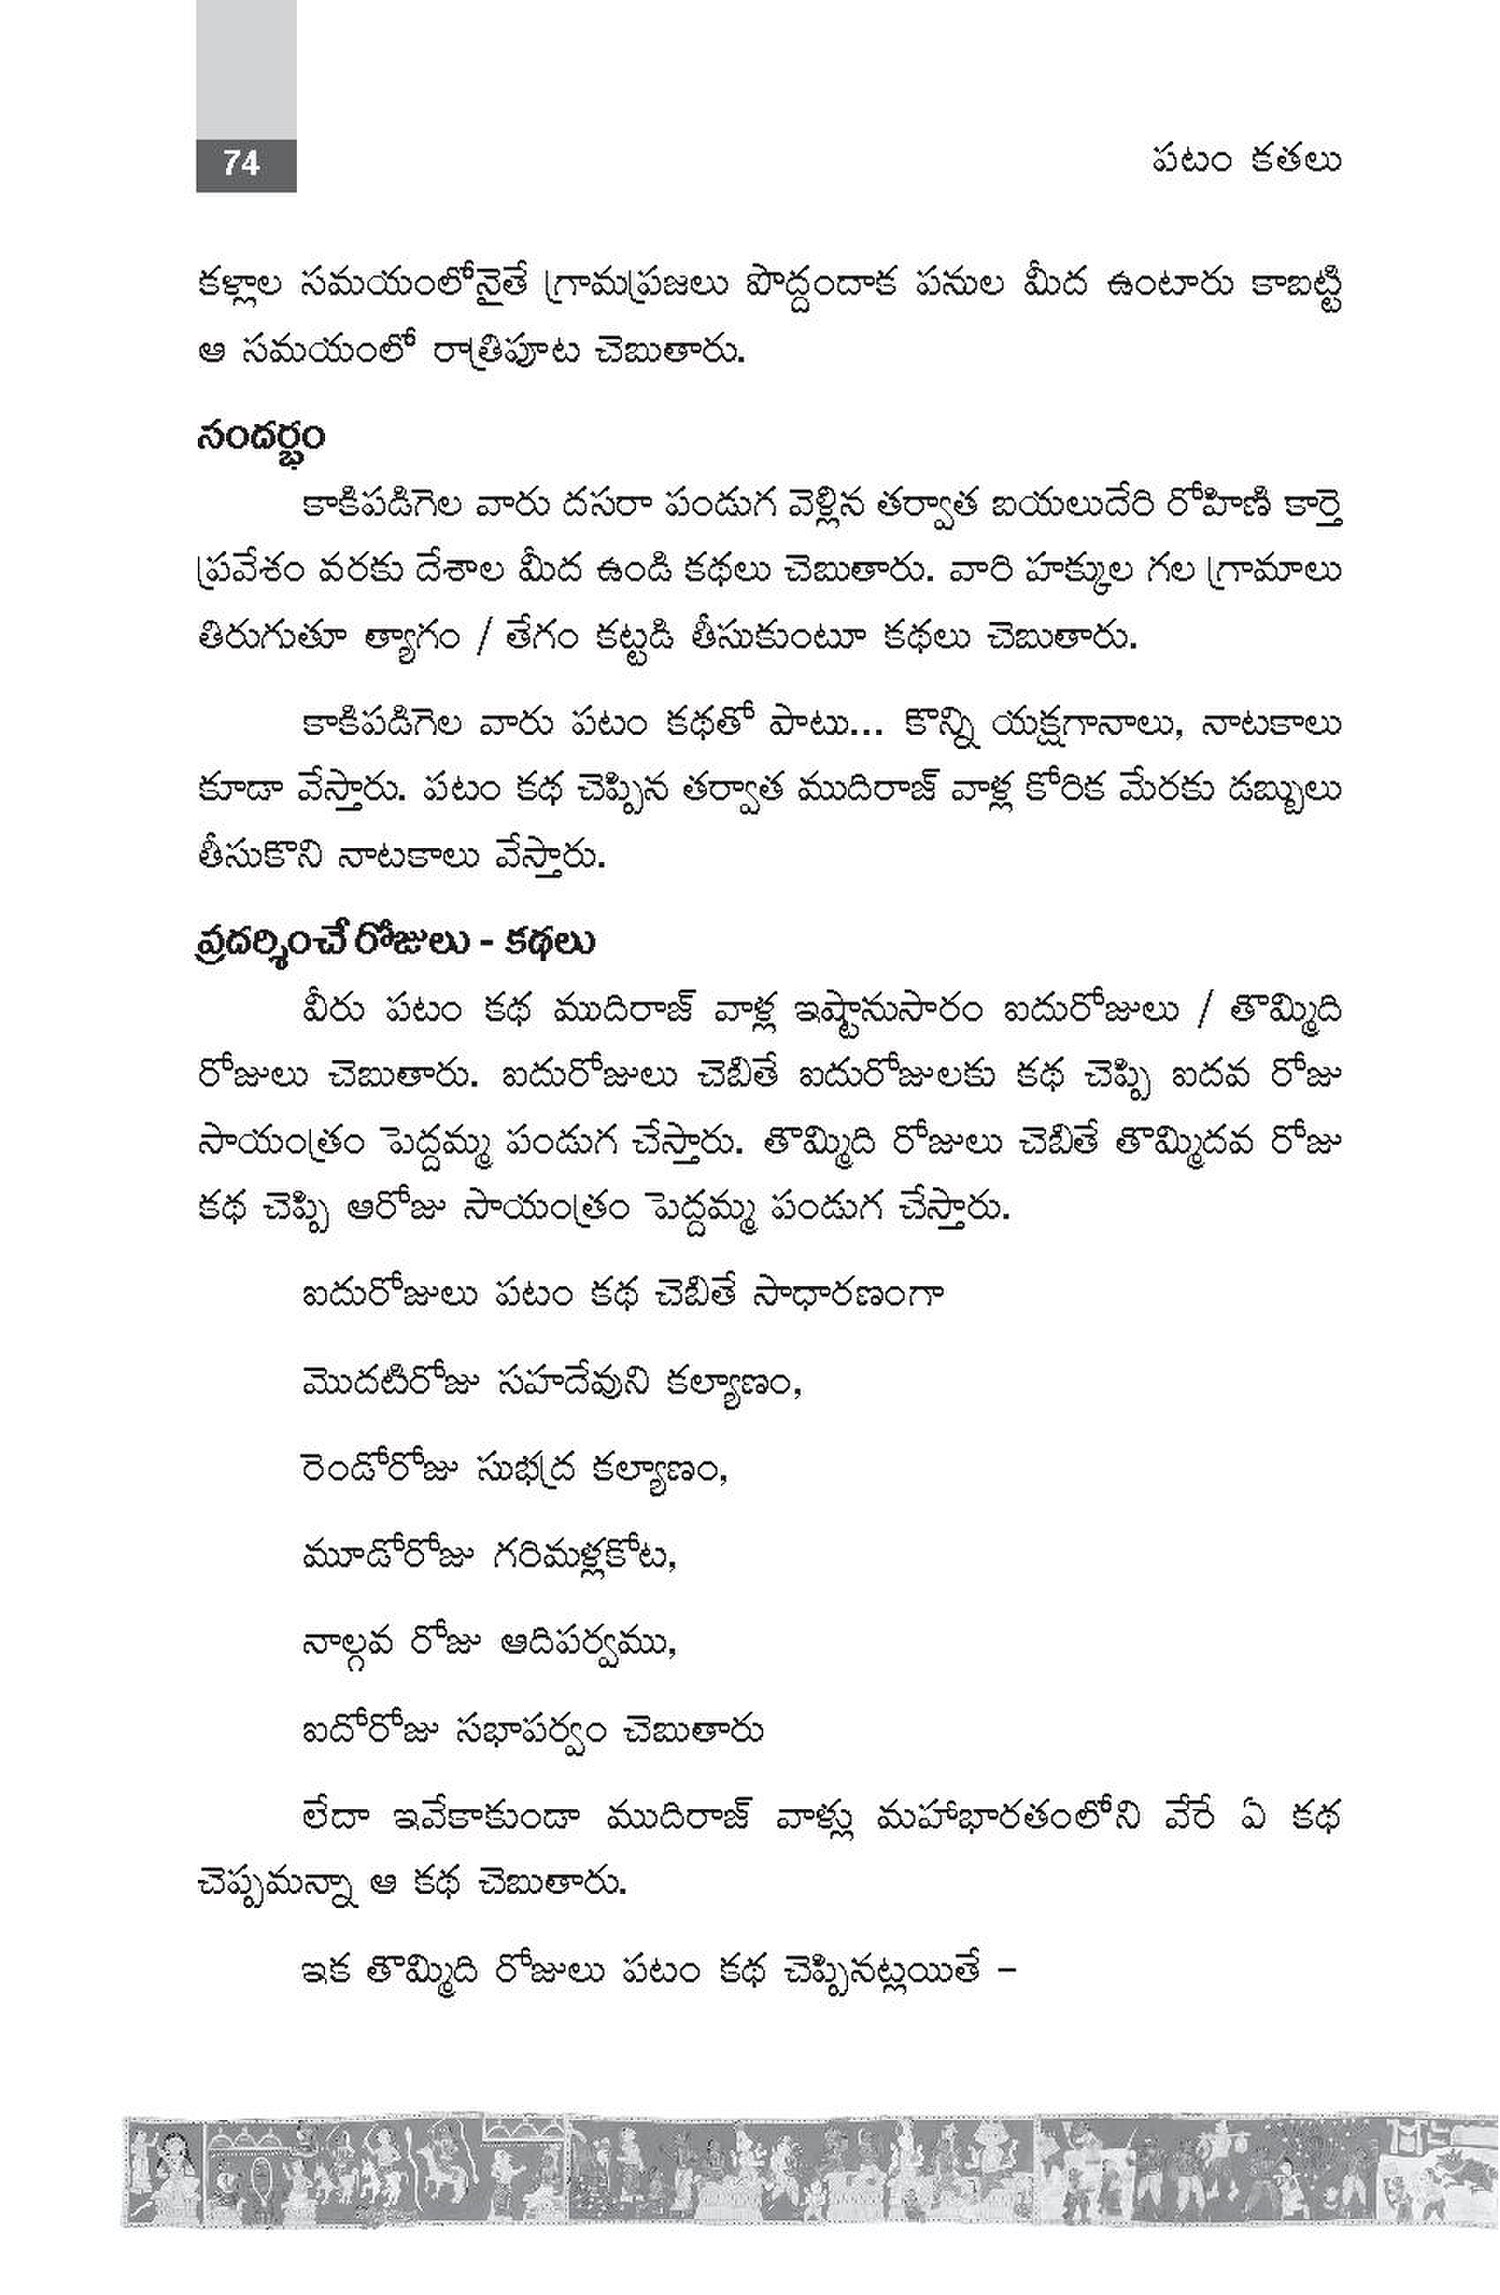కళ్లాల సమయంలోనైతే గ్రామప్రజలు పొద్దందాక పనుల మీద ఉంటారు కాబట్టి ఆ సమయంలో రాత్రిపూట చెబుతారు.

సంధర్భం

కాకిపడిగెల వారు దసరా పండుగ వెళ్లిన తర్వాత బయలుదేరి రోహిణి కార్తె ప్రవేశం వరకు దేశాల మీద ఉండి కథలు చెబుతారు. వారి హక్కుల గల గ్రామాలు తిరుగుతూ త్యాగం / తేగం కట్టడి తీసుకుంటూ కథలు చెబుతారు.

కాకిపడిగెల వారు పటం కథతో పాటు... కొన్ని యక్షగానాలు, నాటకాలు కూడా వేస్తారు. పటం కథ చెప్పిన తర్వాత ముదిరాజ్ వాళ్ల కోరిక మేరకు డబ్బులు తీసుకొని నాటకాలు వేస్తారు.

ప్రదర్శించే రోజులు - కథలు 

వీరు పటం కథ ముదిరాజ్ వాళ్ల ఇష్టానుసారం ఐదురోజులు / తొమ్మిది రోజులు చెబుతారు. ఐదురోజులు చెబితే ఐదురోజులకు కథ చెప్పి ఐదవ రోజు సాయంత్రం పెద్దమ్మ పండుగ చేస్తారు. తొమ్మిది రోజులు చెబితే తొమ్మిదవ రోజు
కథ చెప్పి ఆరోజు సాయంత్రం పెద్దమ్మ పండుగ చేస్తారు.

ఐదురోజులు పటం కథ చెబితే సాధారణంగా
మొదటిరోజు సహదేవుని కల్యాణం,
రెండోరోజు సుభద్ర కల్యాణం,
మూడోరోజు గరిమళ్లకోట,
నాల్గవ రోజు ఆదిపర్వము,
ఐదోరోజు సభాపర్వం చెబుతారు

లేదా ఇవేకాకుండా ముదిరాజ్ వాళ్లు మహాభారతంలోని వేరే ఏ కథ చెప్పమన్నా ఆ కథ చెబుతారు.

ఇక తొమ్మిది రోజులు పటం కథ చెప్పినట్లయితే -